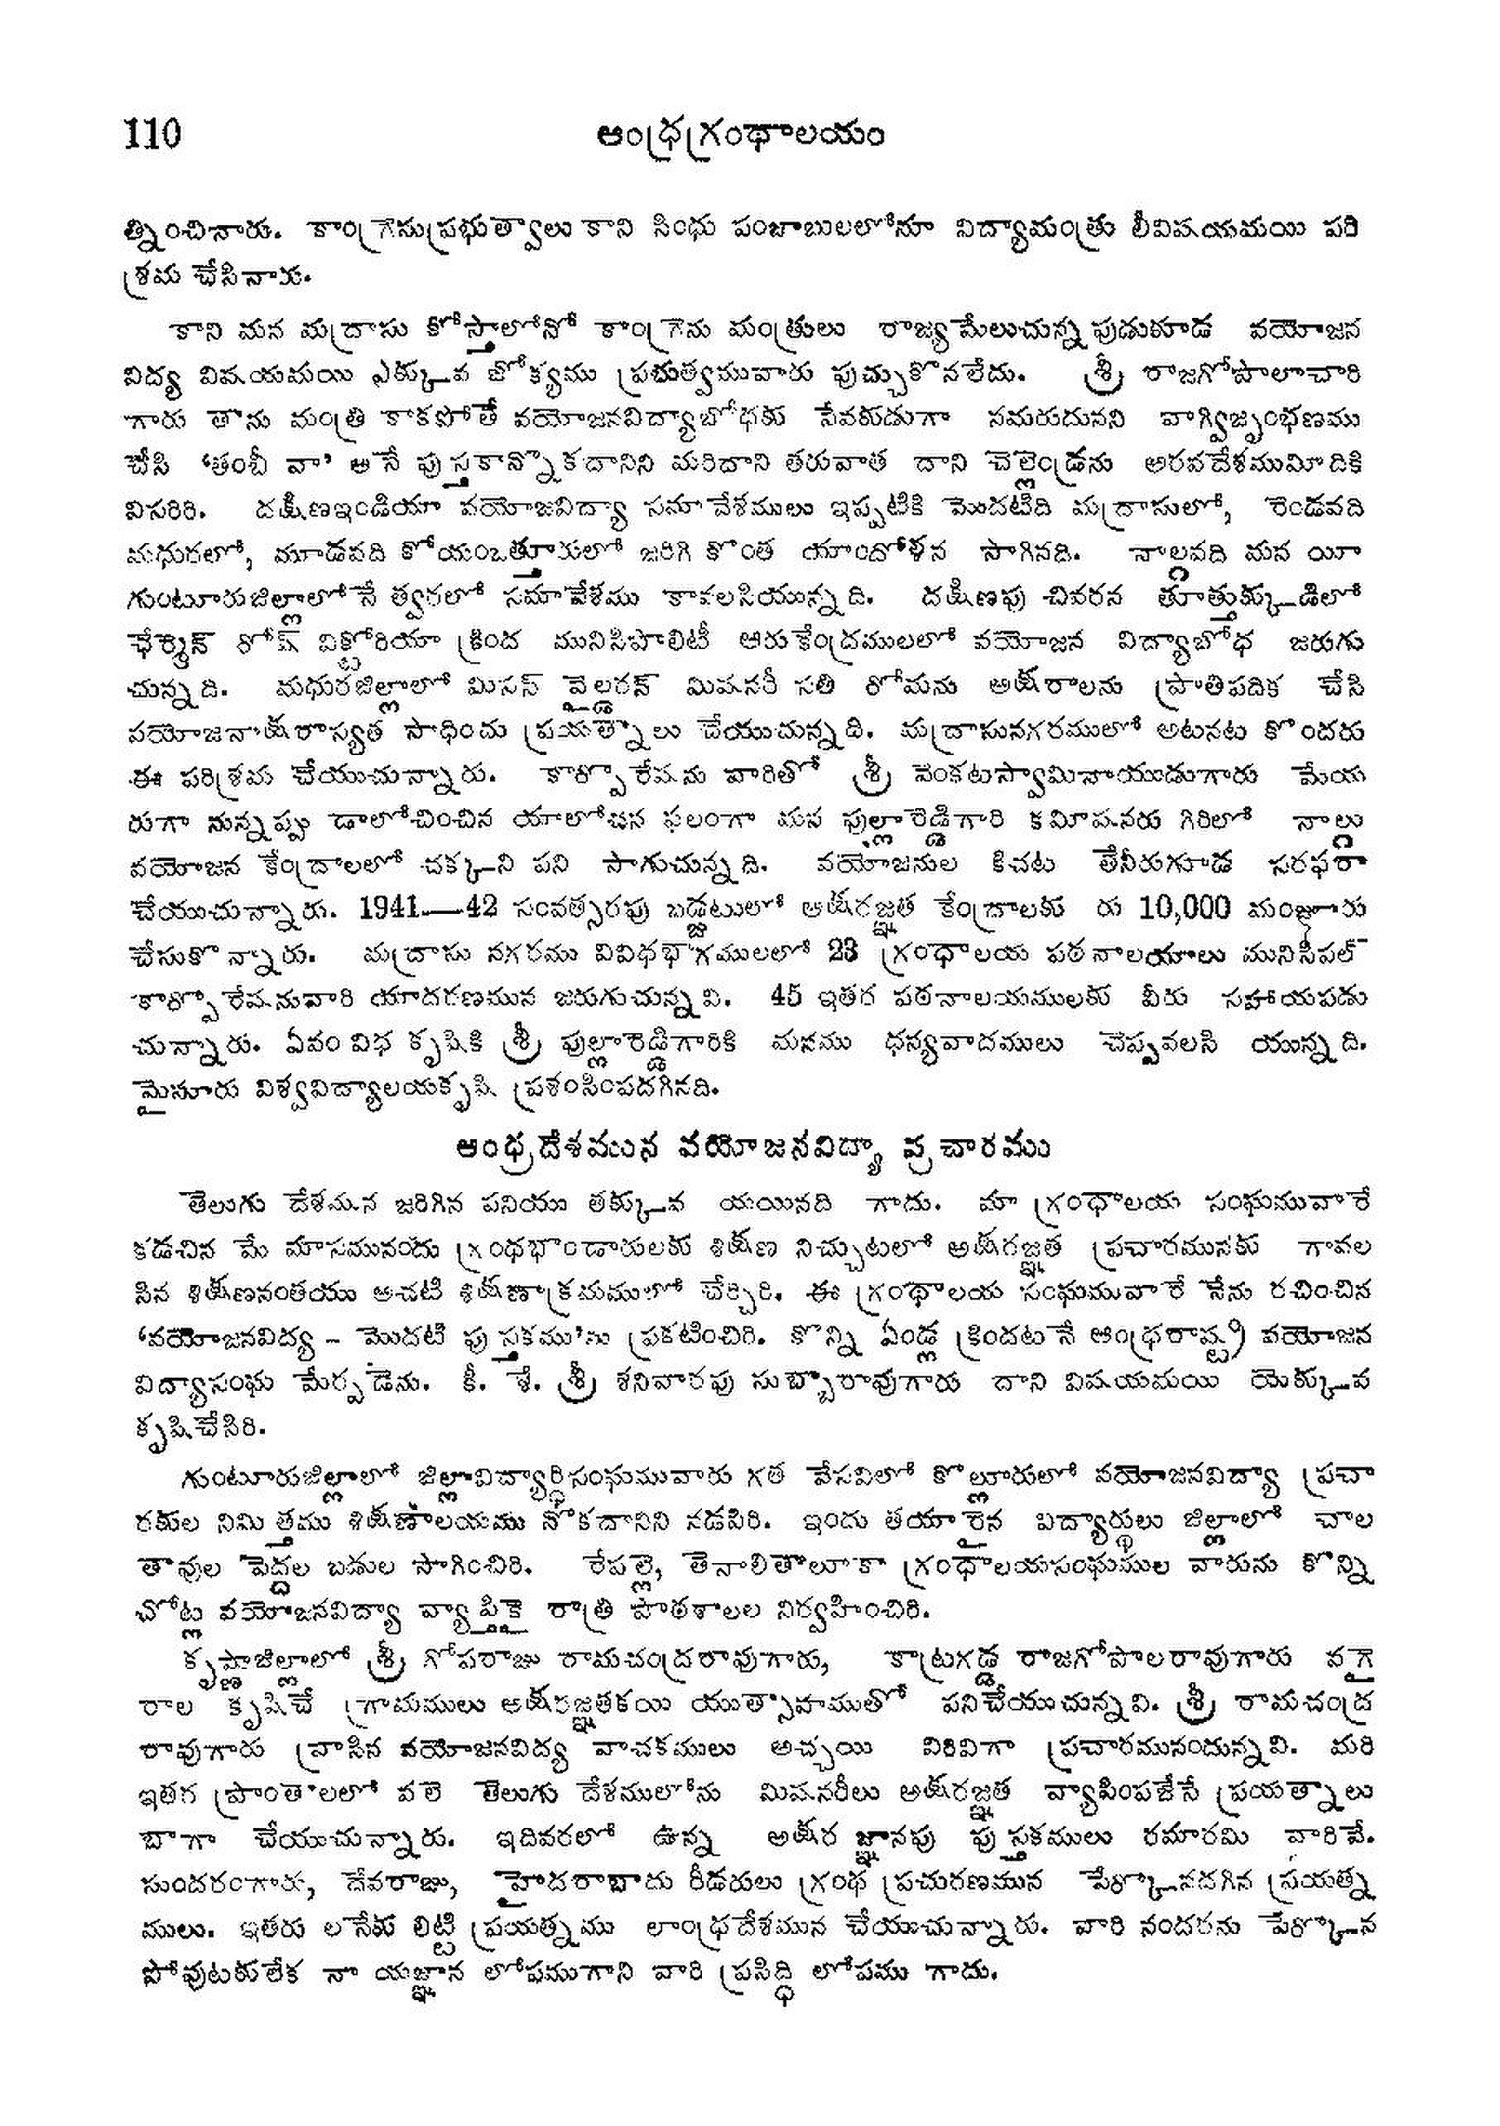త్నించినారు. కాంగ్రెసు ప్రభుత్వాలు కాని సింధు పంజాబులలోనూ విద్యామంత్రు లీవిషయమయి పరిశ్రమ చేసినారు.

కాని మన మద్రాసు కోస్తాలోనో కాంగ్రేసు మంత్రులు రాజ్యమేలుచున్నపుడుకూడ వయోజన విద్య విషయమయి ఎక్కువ జోక్యము ప్రభుత్వమువారు పుచ్చుకొనలేదు. శ్రీ రాజగోపాలాచారి గారు తాను మంత్రి కాకపోతే వయోజన విద్యాబోధకు సేవకుడుగా 
సమరుదునని వాగ్విజృంభణము చేసి 'త౦బీ వా' అనే పుస్తకాన్నొకదానిని మరిదాని తరువాత దాసి చెల్లెండ్రను 
అరవదేశముమీదికి విసరిరి. దక్షిణఇండియా వయోజవిద్యా సమావేశములు ఇప్పటికి మొదటిది మద్రాసులో, రెండవది
మధురలో, మూడవది కోయంబత్తూరులో జరిగి కొంత యాందోళన సాగినది. నాల్గవది మన యీ గుంటూరుజిల్లాలోనే 
త్వరలో సమావేశము కావలసియున్నది. దక్షిణపు చివరన తూత్తుక్కుడిలో ఛేర్మిన్ రోష్ విక్టోరియా క్రింద మునిసిపాలిటీ 
ఆరు కేంద్రములలో వయోజన విద్యాబోధ జరుగుచున్నది. మధురజిల్లాలో మిసన్ వైల్డరన్ మిషనరీ సతి రోమను అక్షరాలను 
ప్రాతిపదిక చేసి వయోజనాక్షురాస్యత సాధించు ప్రయత్నాలు చేయుచున్నది. మద్రాసునగరములో అటనట కొందరు
ఈ పరిశ్రమ చేయుచున్నారు. కార్పొరేషను వారితో శ్రీ వెంకటస్వామినాయుడుగారు మేయరుగా నున్నప్పుడాలోచించిన 
యాలోచన ఫలంగా మన పుల్లారెడ్డి గారి కమీషనరు గిరిలో నాల్గు వయోజన కేంద్రాలలో చక్కని పని సాగుచున్నది.
వయోజనుల కిచట తేనీరుగూడ సరఫరా చేయుచున్నారు. 1941-42 సంవత్సరపు బడ్జెటులో అక్షరజ్ఞత కేంద్రాలకు 
రు 10,000 మంజూరు చేసుకొన్నారు. మద్రాసు నగరము వివిధ భాగములలో 23 గ్రంథాలయ పఠనాలయాలు మునిసిపల్
కార్పొరేషనువారి యాదరణమున జరుగుచున్నవి. 45 ఇతర పఠనాలయములకు వీరు సహాయపడు చున్నారు. ఏవం విధ 
కృషికి శ్రీ పుల్లారెడ్డిగారికి మనము ధన్యవాదములు చెప్పవలసి యున్నది. మైసూరు విశ్వవిద్యాలయకృషి ప్రశంసింపదగినది.

తెలుగు దేశమున జరిగిన పనియు తక్కువ యయినది గాదు. మా గ్రంధాలయ సంఘమువారే కడచిన మే మాసమునందు 
గ్రంథ భాండారులకు శిక్షణ నిచ్చుటలో అరఙ్ఞత ప్రచారమునకు గావలసిన శిక్షణనంతయు అచటి శిక్షణాక్రమములో చేర్చిరి. 
ఈ గ్రంథాలయ సంఘమువారే నేను రచించిన 'వయోజనవిద్య - మొదటి పుస్తకము' ను ప్రకటించిరి. కొన్ని ఏండ్ల క్రిందటనే 
ఆంధ్రరాష్ట్ర వయోజన విద్యాసంభ మేర్పడెను. కీ.శే. శ్రీ శనివారపు సుబ్బారావుగారు దాని విషయమయి యెక్కువ కృషిచేసిరి.

గుంటూరుజిల్లాలో జిల్లా విద్యార్ధి సంఘమువారు గత వేసవిలో కొల్లూరులో వయోజనవిద్యా ప్రచారకులు నిమిత్తము శిక్షణాలయము 
నొకదానిని నడపిరి. ఇందు తయారైన విద్యార్థులు జిల్లాలో చాల తవుల పెద్దల బడులు సాగించిరి. రేపల్లె, తెనాలి తాలూకా 
గ్రంథాలయ సంఘముల వారును కొన్నిచోట్ల వయోజనవిద్యా వ్యాప్తికై రాత్రి పాఠశాలల నిర్వహించిరి.

కృష్ణాజిల్లాలో శ్రీ గోపరాజు రామచంద్రరావు గారు, కాట్రగడ్డ రాజగోపాలరావుగారు వగైరాల కృషిచే గ్రామములు అక్షరజ్ఞతకయి
యుత్సాహముతో పనిచేయుచున్నవి. శ్రీ రామచంద్రరావుగారు వ్రాసిన వయోజనవిద్య వాచకములు అచ్చయి విరివిగా 
ప్రచారమునందున్నవి. మరి ఇతర ప్రాంతాలలో వలె తెలుగు దేశములోను మిషనరీలు అక్షరజ్ఞత వ్యాపింపజేసే ప్రయత్నాలు
బాగా చేయుచున్నారు. ఇదివరలో ఉన్న అక్షర జ్ఞానపు పుస్తకములు రమారమి వారివే. సుందరంగారు, దేవరాజు, హైదరాబాదు 
రీడరులు గ్రంథ ప్రచురణమున పేర్కొనదగిన ప్రయత్నములు, ఇతరులనేకు లిట్టి ప్రయత్నము లాంధ్ర దేశమున
చేయుచున్నారు. వారి నందరను పేర్కొన పోవుటకులేక నా యజ్ఞాన లోపముగాని వారి ప్రసిద్ధి లోపము గాదు,